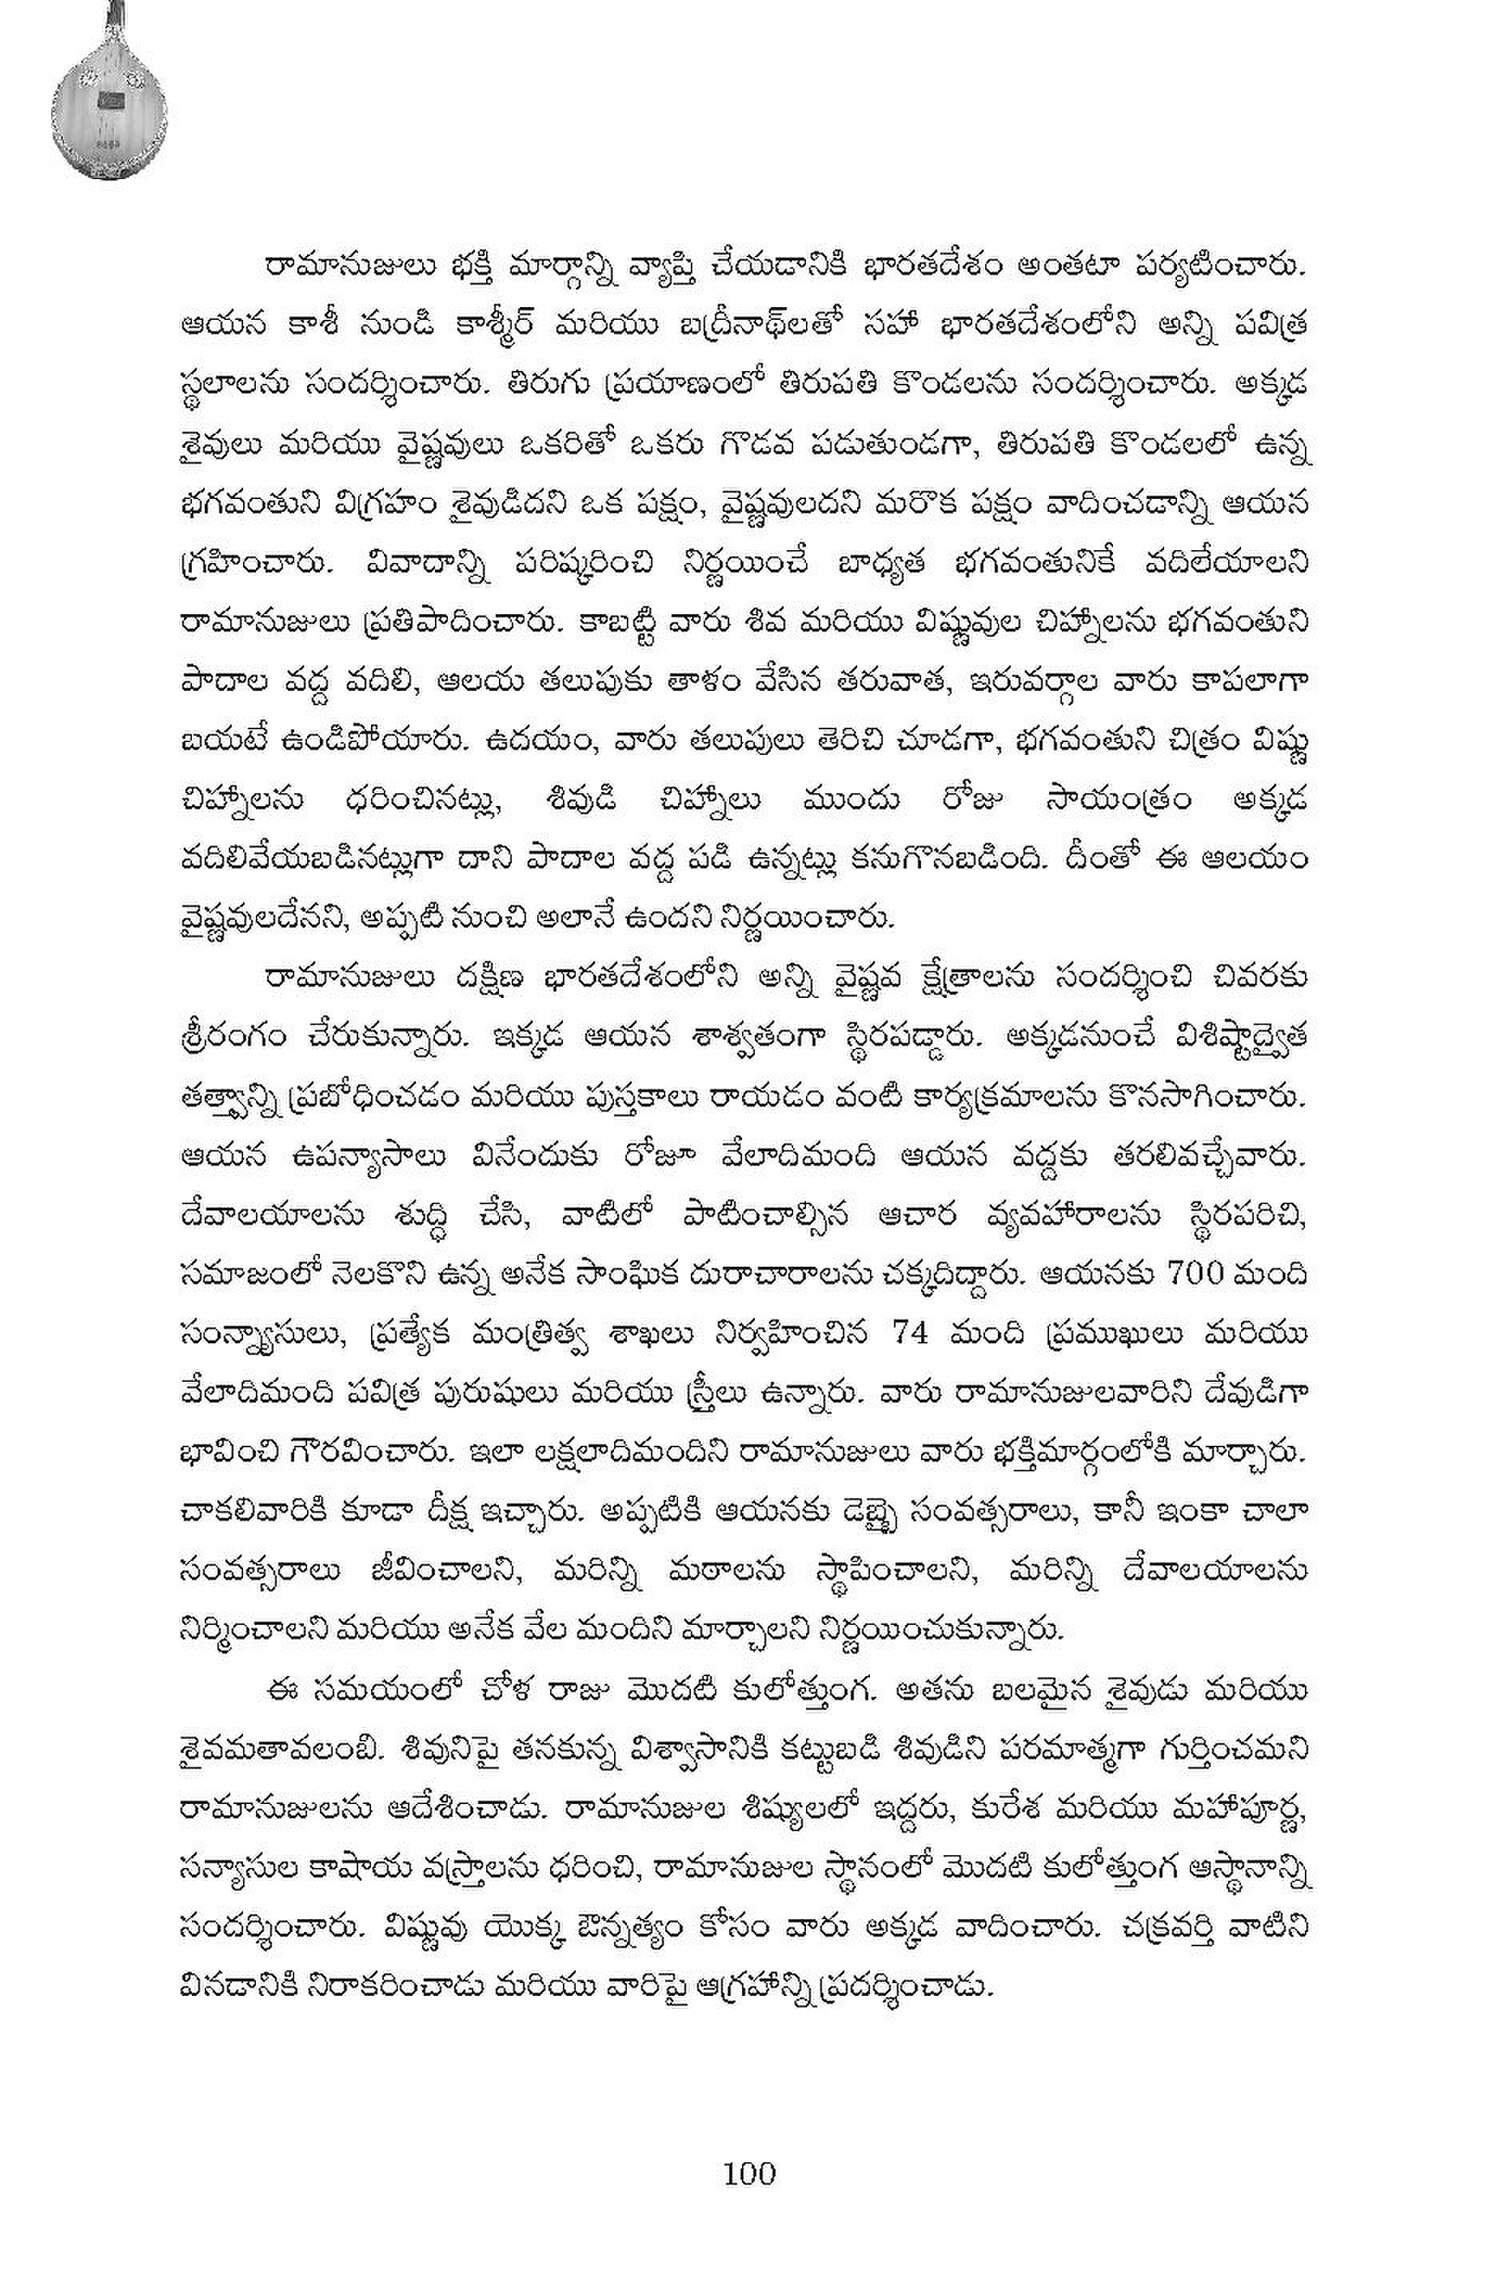రామానుజులు భక్తి మార్గాన్ని వ్యాప్తి చేయడానికి భారతదేశం అంతటా పర్యటించారు. ఆయన కాశీ నుండి కాశ్మీర్ మరియు బద్రీనాథ్ తో సహా భారతదేశంలోని అన్ని పవిత్ర స్థలాలను సందర్శించారు. తిరుగు ప్రయాణంలో తిరుపతి కొండలను సందర్శించారు. అక్కడ శైవులు మరియు వైష్ణవులు ఒకరితో ఒకరు గొడవ పడుతుండగా, తిరుపతి కొండలలో ఉన్న
భగవంతుని విగ్రహం శైవుడిదని ఒక పక్షం, వైష్ణవులదని మరొక పక్షం వాదించడాన్ని ఆయన గ్రహించారు. వివాదాన్ని పరిష్కరించి నిర్ణయించే బాధ్యత భగవంతునికే వదిలేయాలని రామానుజులు ప్రతిపాదించారు. కాబట్టి వారు శివ మరియు విష్ణువుల చిహ్నాలను భగవంతుని పాదాల వద్ద వదిలి, ఆలయ తలుపుకు తాళం వేసిన తరువాత, ఇరువర్గాల వారు కాపలాగా బయటే ఉండిపోయారు. ఉదయం, వారు తలుపులు తెరిచి చూడగా, భగవంతుని చిత్రం విష్ణు చిహ్నాలను ధరించినట్లు, శివుడి చిహ్నాలు ముందు రోజు సాయంత్రం అక్కడ వదిలివేయబడినట్లుగా దాని పాదాల వద్ద పడి ఉన్నట్లు కనుగొనబడింది. దీంతో ఈ ఆలయం వైష్ణవులదేనని, అప్పటి నుంచి అలానే ఉందని నిర్ణయించారు.

రామానుజులు దక్షిణ భారతదేశంలోని అన్ని వైష్ణవ క్షేత్రాలను సందర్శించి చివరకు శ్రీరంగం చేరుకున్నారు. ఇక్కడ ఆయన శాశ్వతంగా స్థిరపడ్డారు. అక్కడనుంచే విశిష్టాద్వైత తత్త్వాన్ని ప్రబోధించడం మరియు పుస్తకాలు రాయడం వంటి కార్యక్రమాలను కొనసాగించారు. ఆయన ఉపన్యాసాలు వినేందుకు రోజూ వేలాదిమంది ఆయన వద్దకు తరలివచ్చేవారు.
దేవాలయాలను శుద్ధి చేసి, వాటిలో పాటించాల్సిన ఆచార వ్యవహారాలను స్థిరపరిచి, సమాజంలో నెలకొని ఉన్న అనేక సాంఘిక దురాచారాలను చక్కదిద్దారు. ఆయనకు 700 మంది సంన్న్యాసులు, ప్రత్యేక మంత్రిత్వ శాఖలు నిర్వహించిన 74 మంది ప్రముఖులు మరియు వేలాదిమంది పవిత్ర పురుషులు మరియు స్త్రీలు ఉన్నారు. వారు రామానుజులవారిని దేవుడిగా
భావించి గౌరవించారు. ఇలా లక్షలాదిమందిని రామానుజులు వారు భక్తిమార్గంలోకి మార్చారు.చాకలివారికి కూడా దీక్ష ఇచ్చారు. అప్పటికి ఆయనకు డెబ్బై సంవత్సరాలు, కానీ ఇంకా చాలా సంవత్సరాలు జీవించాలని, మరిన్ని మఠాలను స్థాపించాలని, మరిన్ని దేవాలయాలను నిర్మించాలని మరియు అనేక వేల మందిని మార్చాలని నిర్ణయించుకున్నారు.

ఈ సమయంలో చోళ రాజు మొదటి కులోత్తుంగ. అతను బలమైన శైవుడు మరియు శైవమతావలంబి. శివునిపై తనకున్న విశ్వాసానికి కట్టుబడి శివుడిని పరమాత్మగా గుర్తించమని రామానుజులను ఆదేశించాడు. రామానుజుల శిష్యులలో ఇద్దరు, కురేశ మరియు మహాపూర్ణ, సన్యాసుల కాషాయ వస్త్రాలను ధరించి, రామానుజుల స్థానంలో మొదటి కులోత్తుంగ ఆస్థానాన్ని
సందర్శించారు. విష్ణువు యొక్క ఔన్నత్యం కోసం వారు అక్కడ వాదించారు. చక్రవర్తి వాటిని వినడానికి నిరాకరించాడు మరియు వారిపై ఆగ్రహాన్ని ప్రదర్శించాడు.